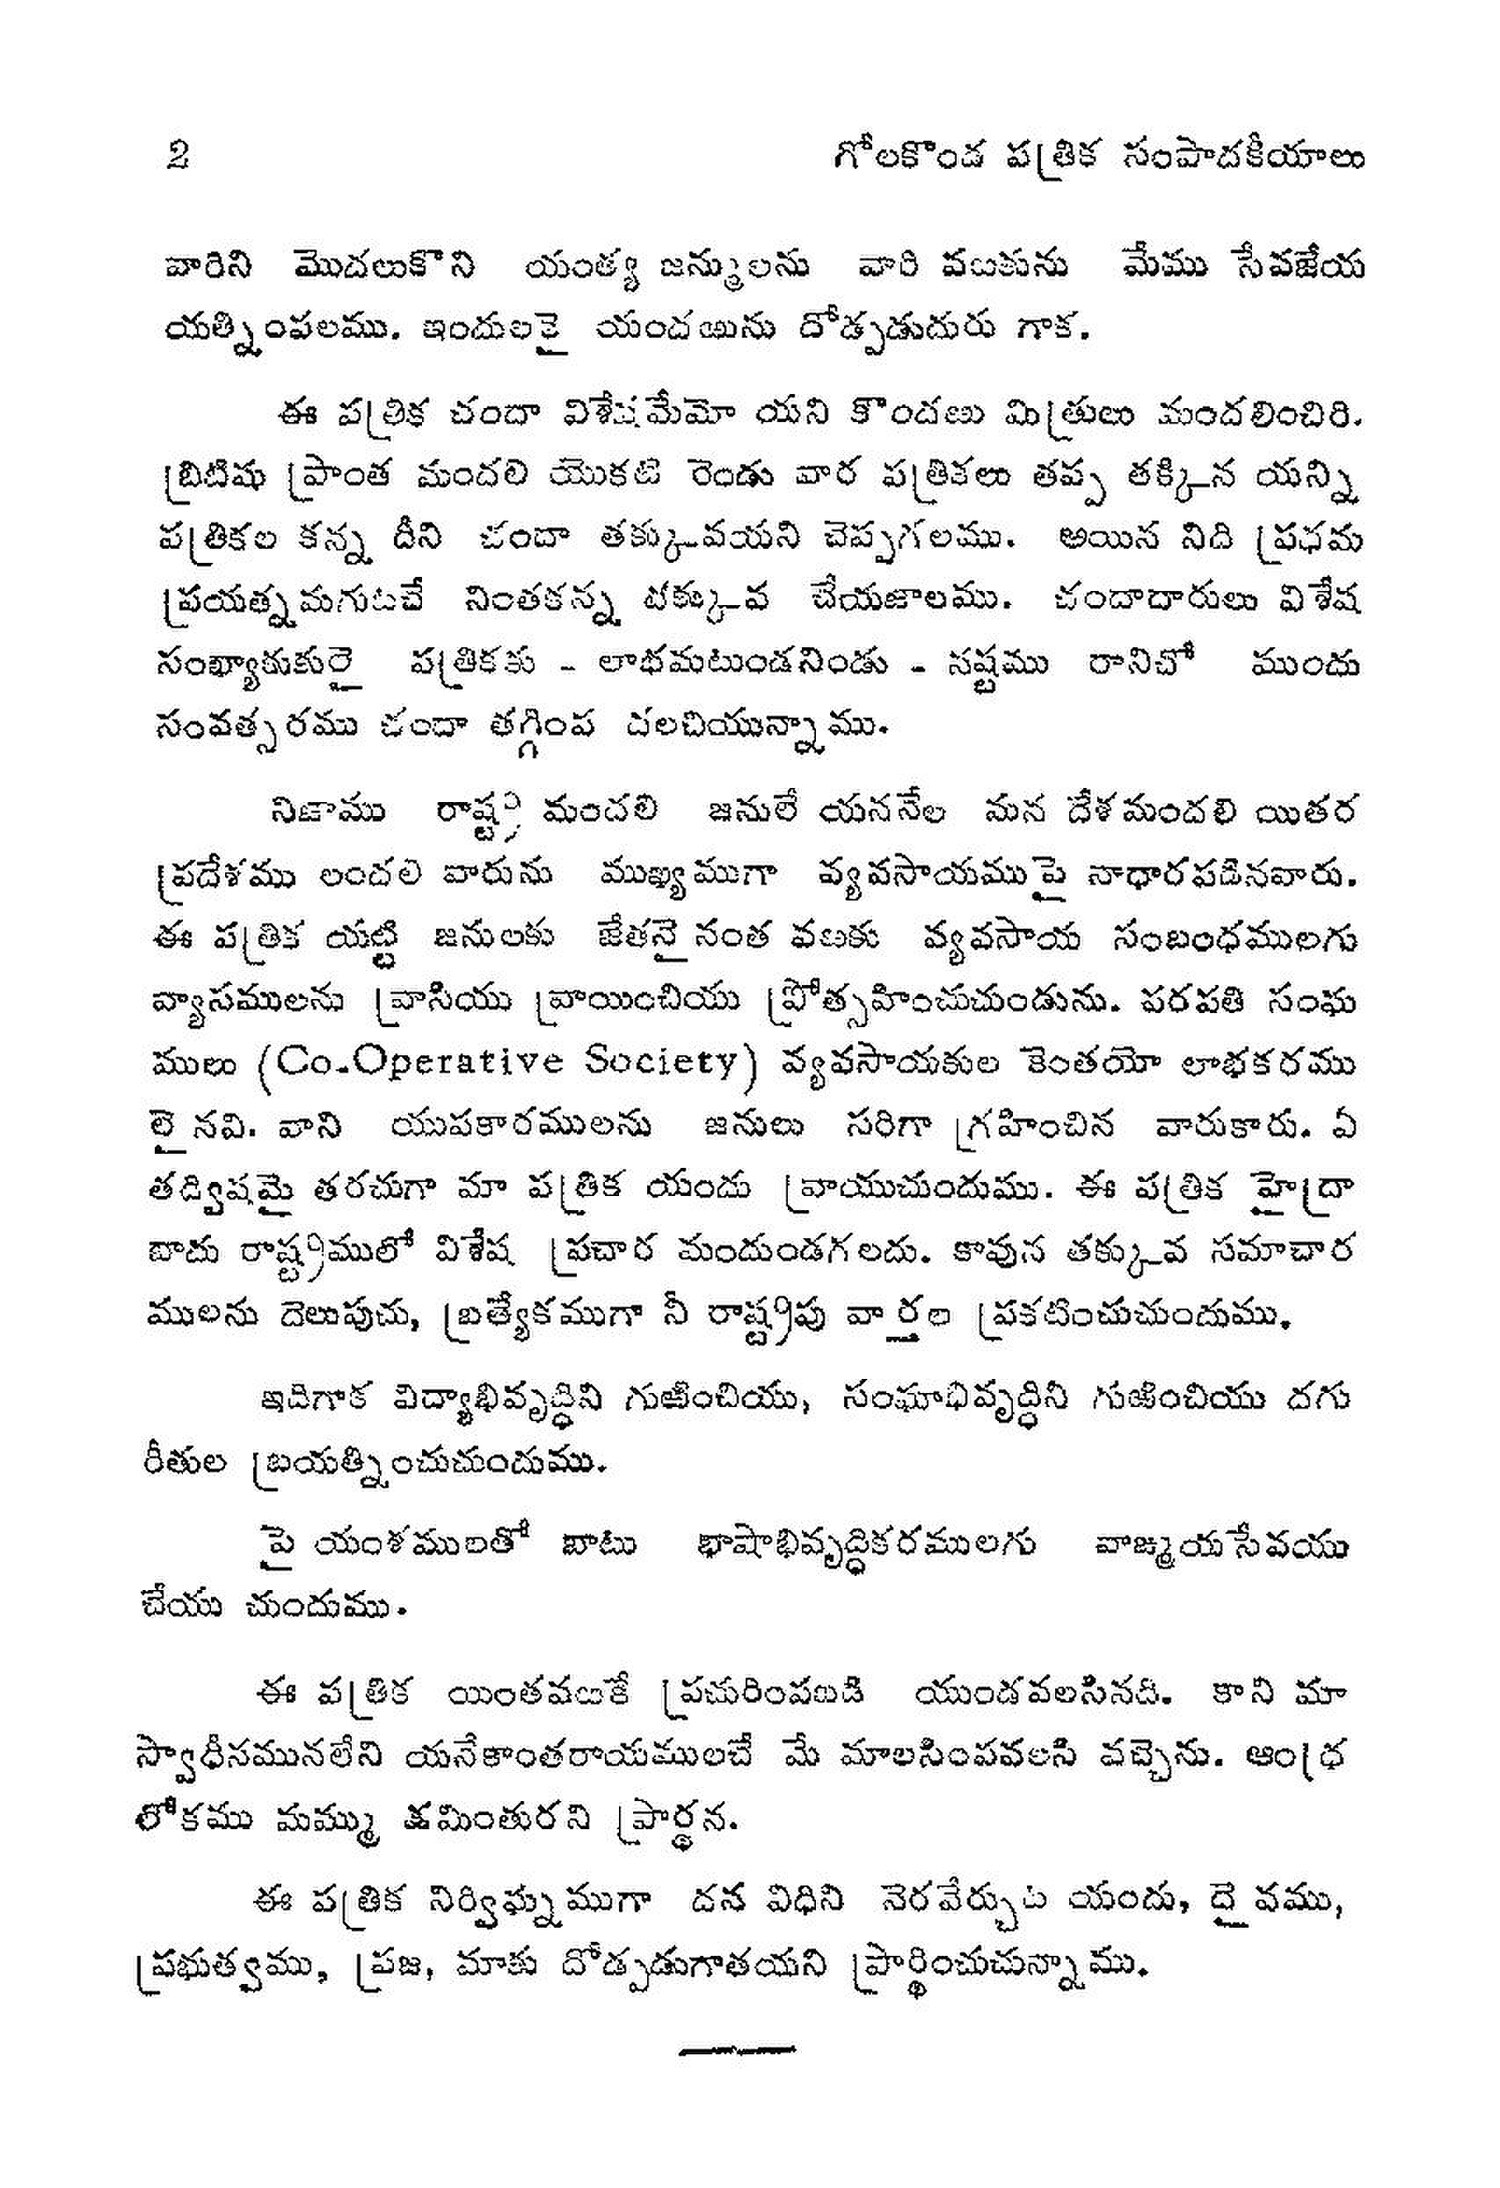వారిని మొదలుకొని యంత్య జన్ములను వారి వఱకును మేము సేవజేయ యత్నింపలము. ఇందులకై యందఱును దోడ్పడుదురు గాక.

ఈ పత్రిక చందా విశేషమేమో యని కొందఱు మిత్రులు మందలించిరి. బ్రిటిషు ప్రాంత మందలి యొకటి రెండు వార పత్రికలు తప్ప తక్కిన యన్ని పత్రికల కన్న దీని చందా తక్కువయని చెప్పగలము. అయిన నిది ప్రధమ
ప్రయత్నమగుటచే నింతకన్న తక్కువ చేయజాలము. చందాదారులు విశేష సంఖ్యాకుకురై పత్రికకు - లాభమటుండనిండు - నష్టము రానిచో ముందు సంవత్సరము చందా తగ్గింప దలచియున్నాము.

నిజాము రాష్ట్ర మందలి జనులే యననేల మన దేశ మందలి యితర ప్రదేశము లందలి వారును ముఖ్యముగా వ్యవసాయముపై నాధారపడినవారు. ఈ పత్రిక యట్టి జనులకు జేతనైనంత వఱకు వ్యవసాయ సంబంధములగు
వ్యాసములను వ్రాసియు వ్రాయించియు ప్రోత్సహించుచుండును. పరపతి సంఘములు (Co-Operative Society) వ్యవసాయకుల కెంతయో లాభకరములైనవి. వాని యుపకారములను జనులు సరిగా గ్రహించిన వారుకారు. ఏ
తద్విషయమై తరచుగా మా పత్రిక యందు వ్రాయుచుందుము. ఈ పత్రిక హైద్రాబాదు రాష్ట్రములో విశేష ప్రచార మందుండగలదు. కావున తక్కువ సమాచారములను దెలుపుచు, బ్రత్యేకముగా నీ రాష్ట్రపు వార్తల ప్రకటించుచుందుము.

ఇదిగాక విద్యాభివృద్ధిని గుఱించియు, సంఘాభివృద్ధిని గుఱించియు దగు రీతుల బ్రయత్నించుచుందుము.

పై యంశములతో బాటు భాషాభివృద్ధికరములగు వాఙ్మయసేవయు చేయు చుందుము.

ఈ పత్రిక యింతవఱకే ప్రచురింపబడి యుండవలసినది. కాని మా స్వాధీనమునలేని యనేకాంతరాయములచే మే మాలసింపవలసి వచ్చెను. ఆంధ్రలోకము మమ్ము క్షమింతురని ప్రార్థన.

ఈ పత్రిక నిర్విఘ్నముగా దన విధిని నెరవేర్చుట యందు, దైవము, ప్రభుత్వము, ప్రజ, మాకు దోడ్పడుగాతయని ప్రార్థించుచున్నాము.